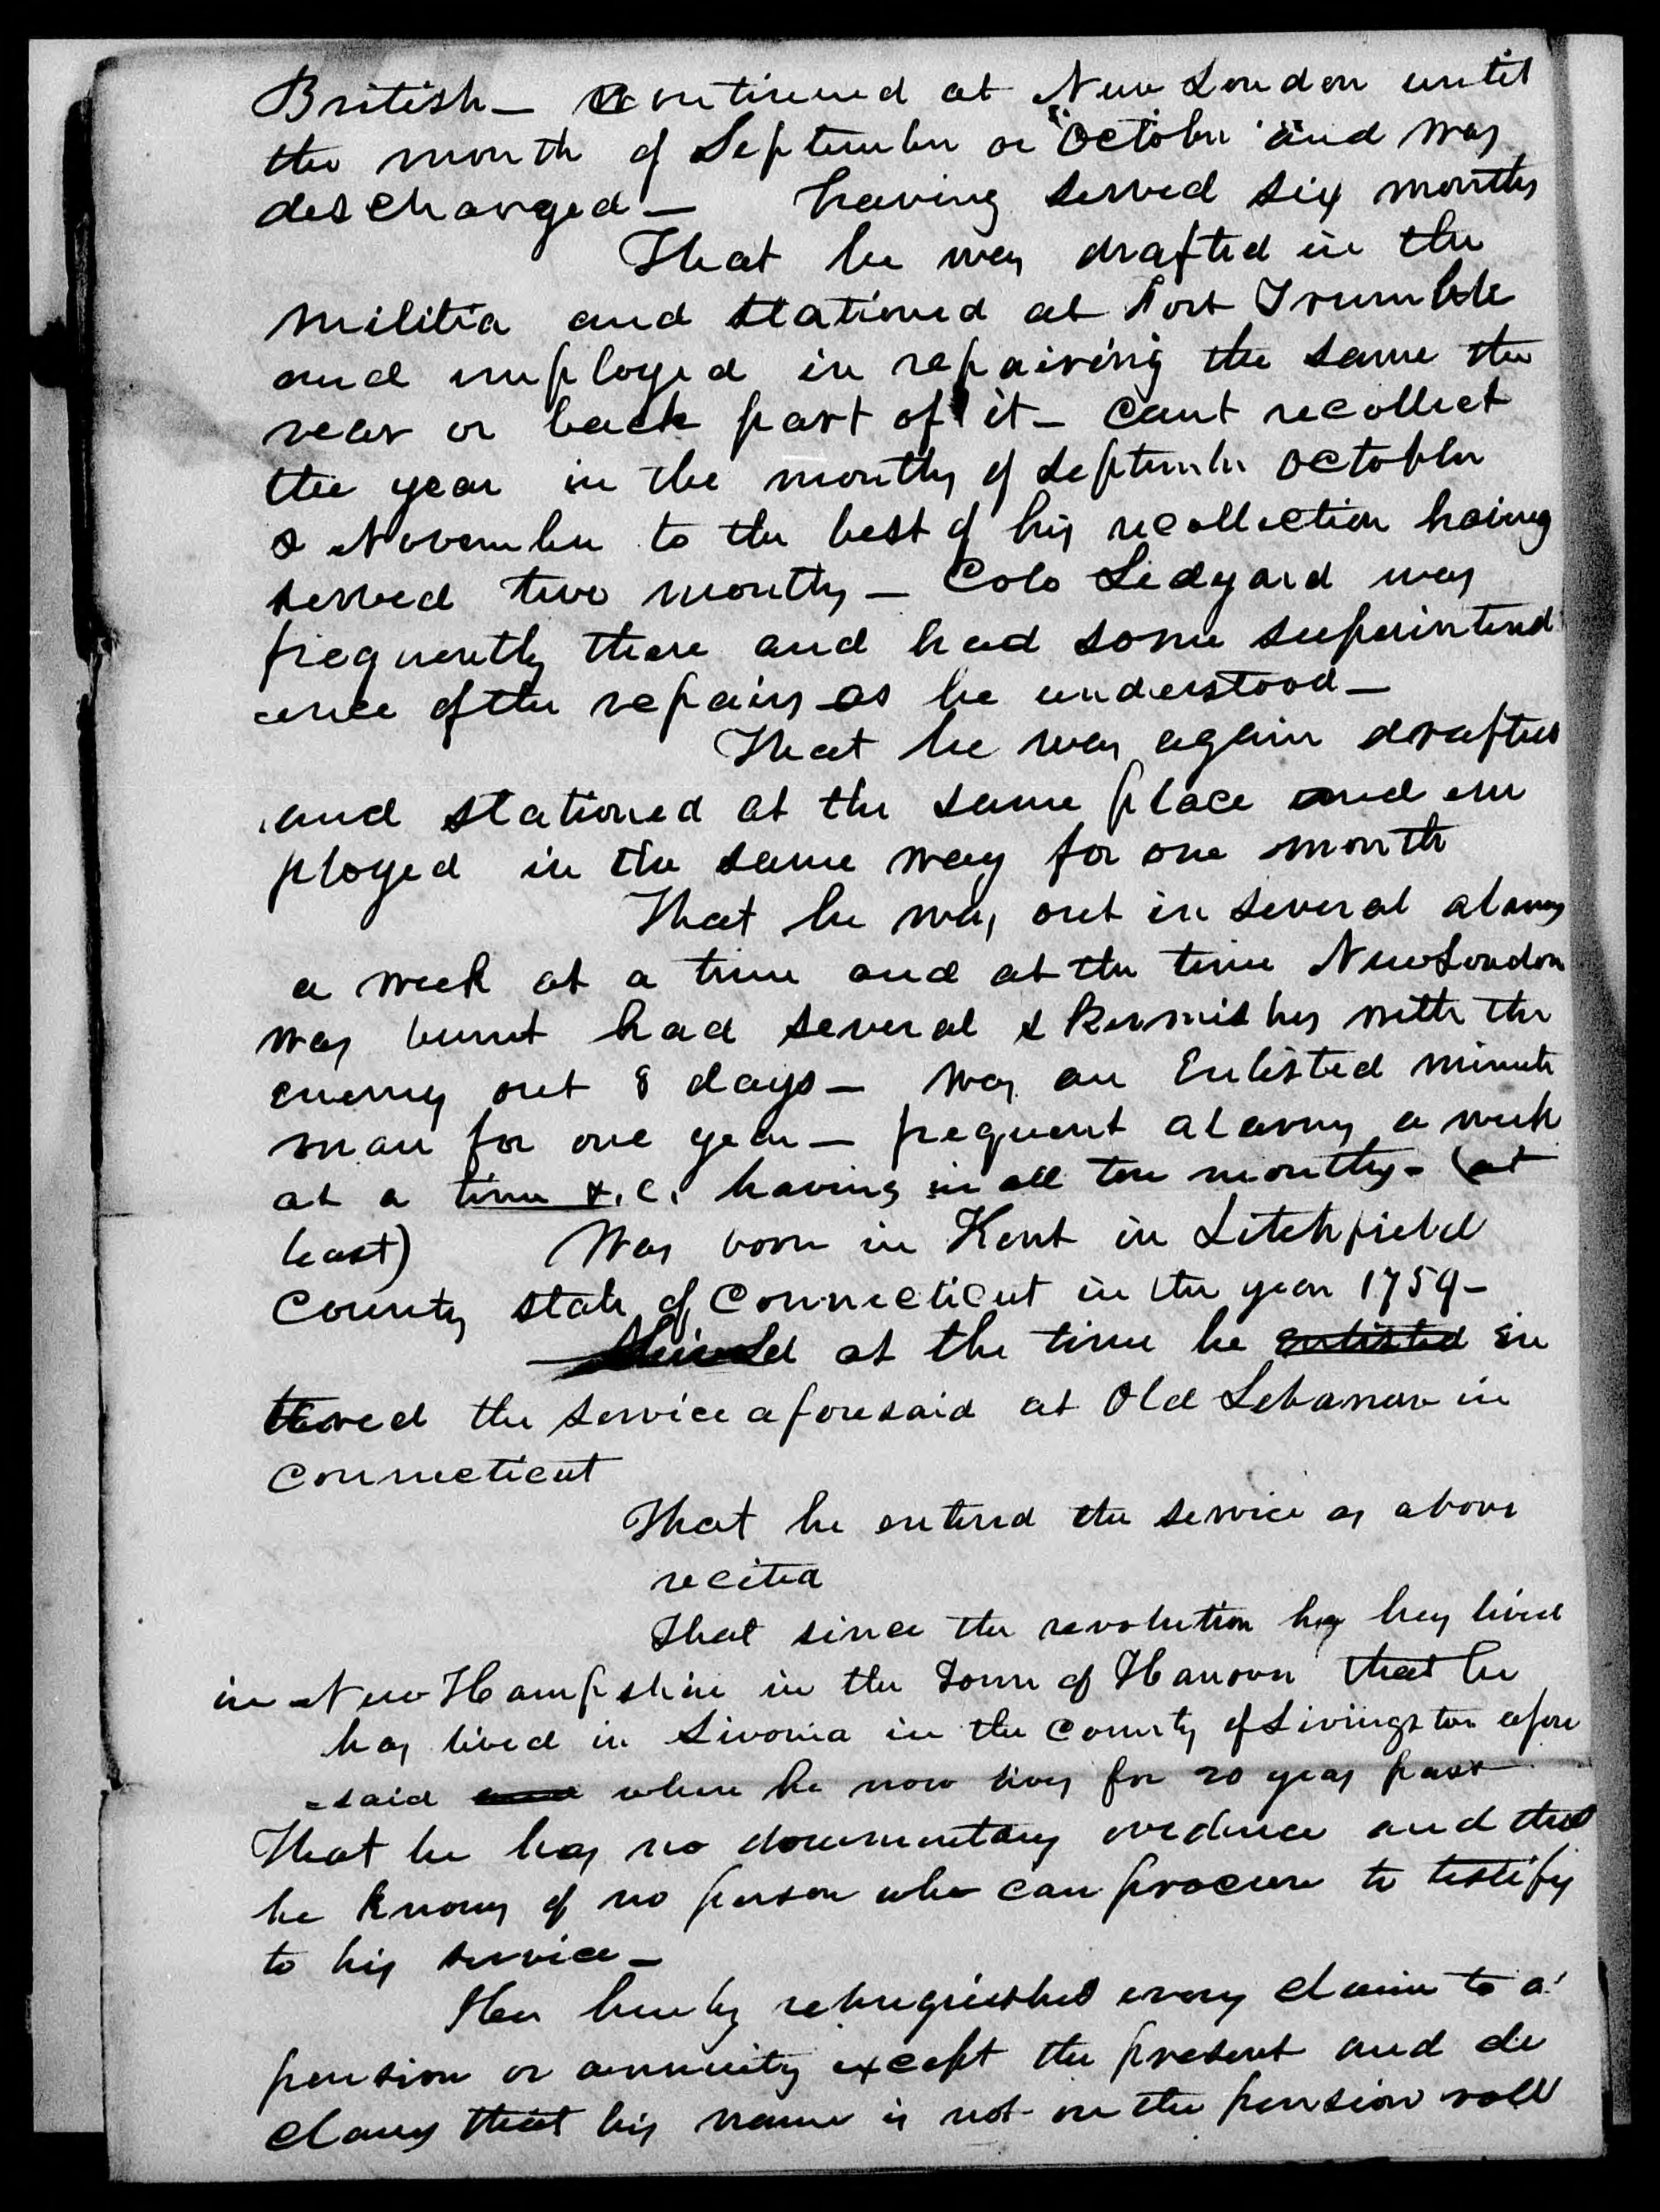British - Continued at New London until the month of September or October and was discharged - having served six months
That he was drafted in the militia and stationed at Fort Trumble and employed in repairing the same item near or back part of it - can't recollect the year in the months of September October & November to the best of his recollection having served two months - Colo Lidyard was frequently there and had some superintendence of the repairs as he understood - 
That he was again drafted and stationed at the same place and employed in the same way for one month
That he was out in several alarms a week at a time and at the time New London was burnt had several skirmishes with the enemy out 8 days - was an enlisted minuteman for one year - frequent alarms a week at a time & having in all ten months (at least)
Was born in Kent in Litchfield County state of Connecticut in the year 1759 - 
As the time he entered the service aforesaid at Old Lebanon in Connecticut
That he entered the service as above recited
That since the revolution he has lived in New Hampshire in the town of Hanover that he has lived in Livonia in the County of Livingston aforesaid where he now lives for 20 years past
That he has no documentary evidence and states he knows of no person who can procure to testify to his service - 
He freely relinquishes every claim to a pension or annuity except the present and declares that his name is not on the pension roll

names: [BLANK] Ledyard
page: 8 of 21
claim: rejected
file: R. 6444, for Gamaliel Loomis, Connecticut